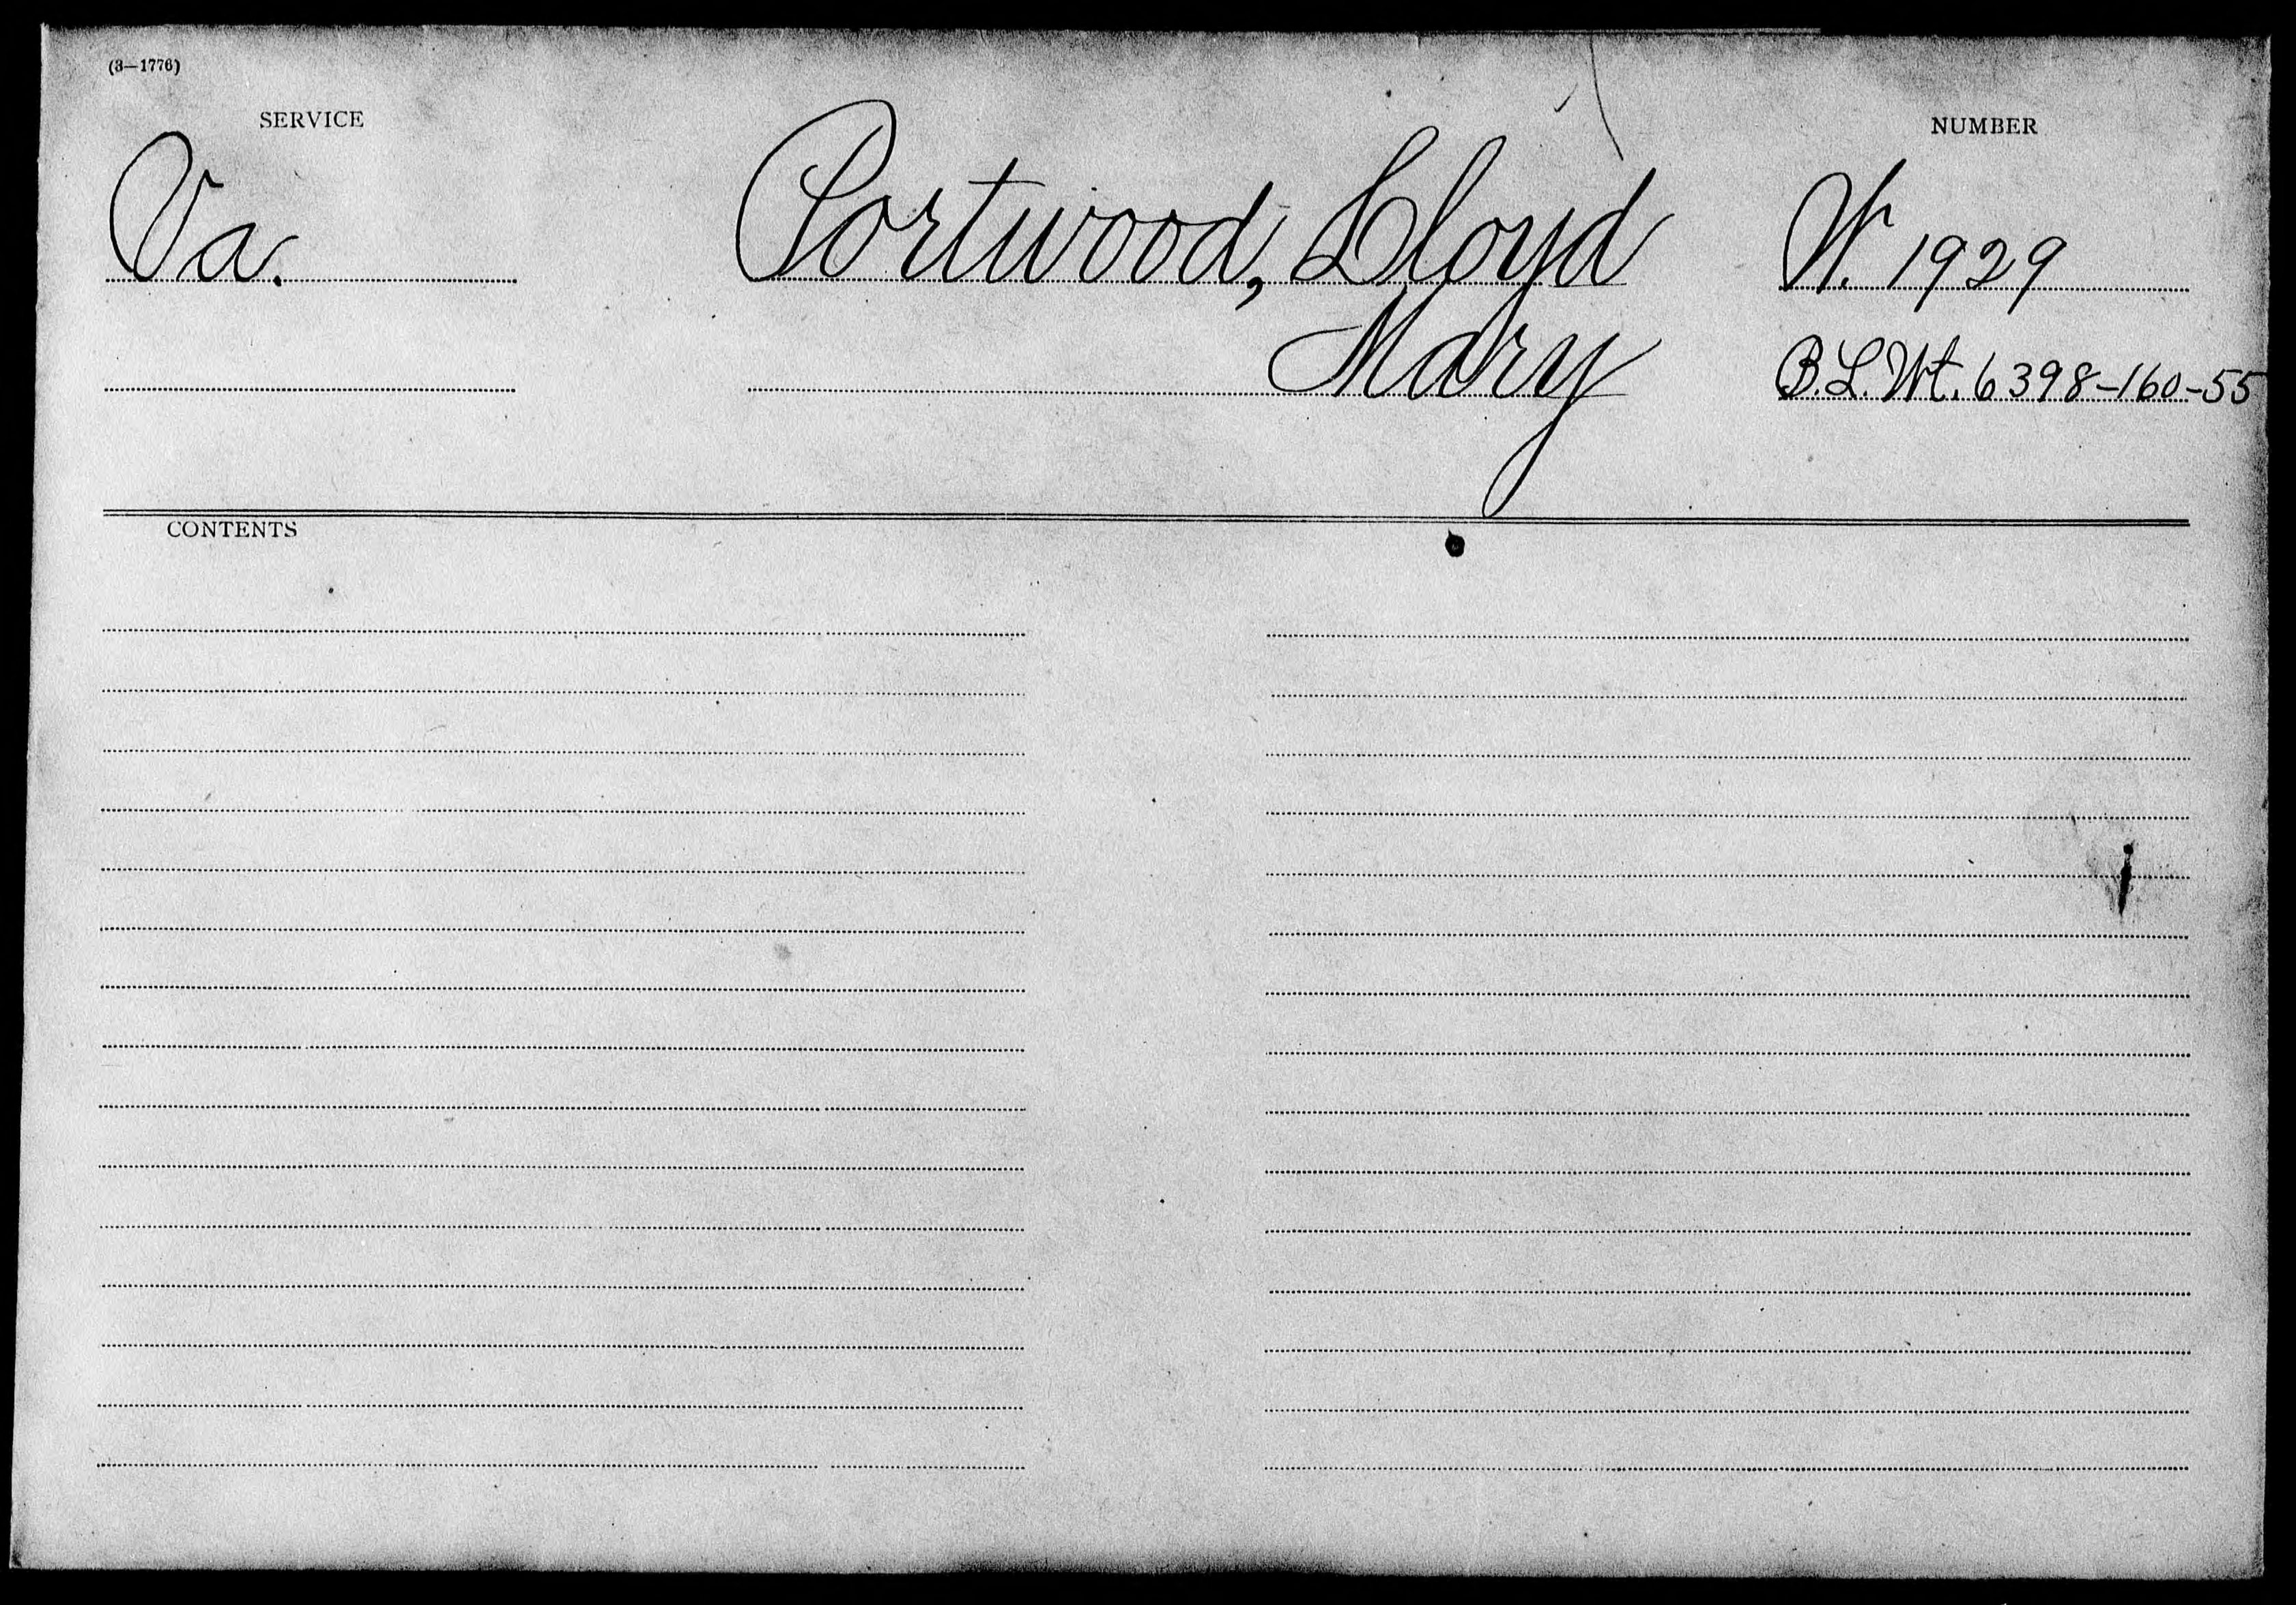(3 - 1776)
SERVICE | NUMBER
Va. | Portwood, Lloyd | W. 1929
| Mary | B.L. Wt. 6398-160-55
CONTENTS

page: 1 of 50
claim: widow's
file: W. 1929, for Lloyd Portwood, Virginia